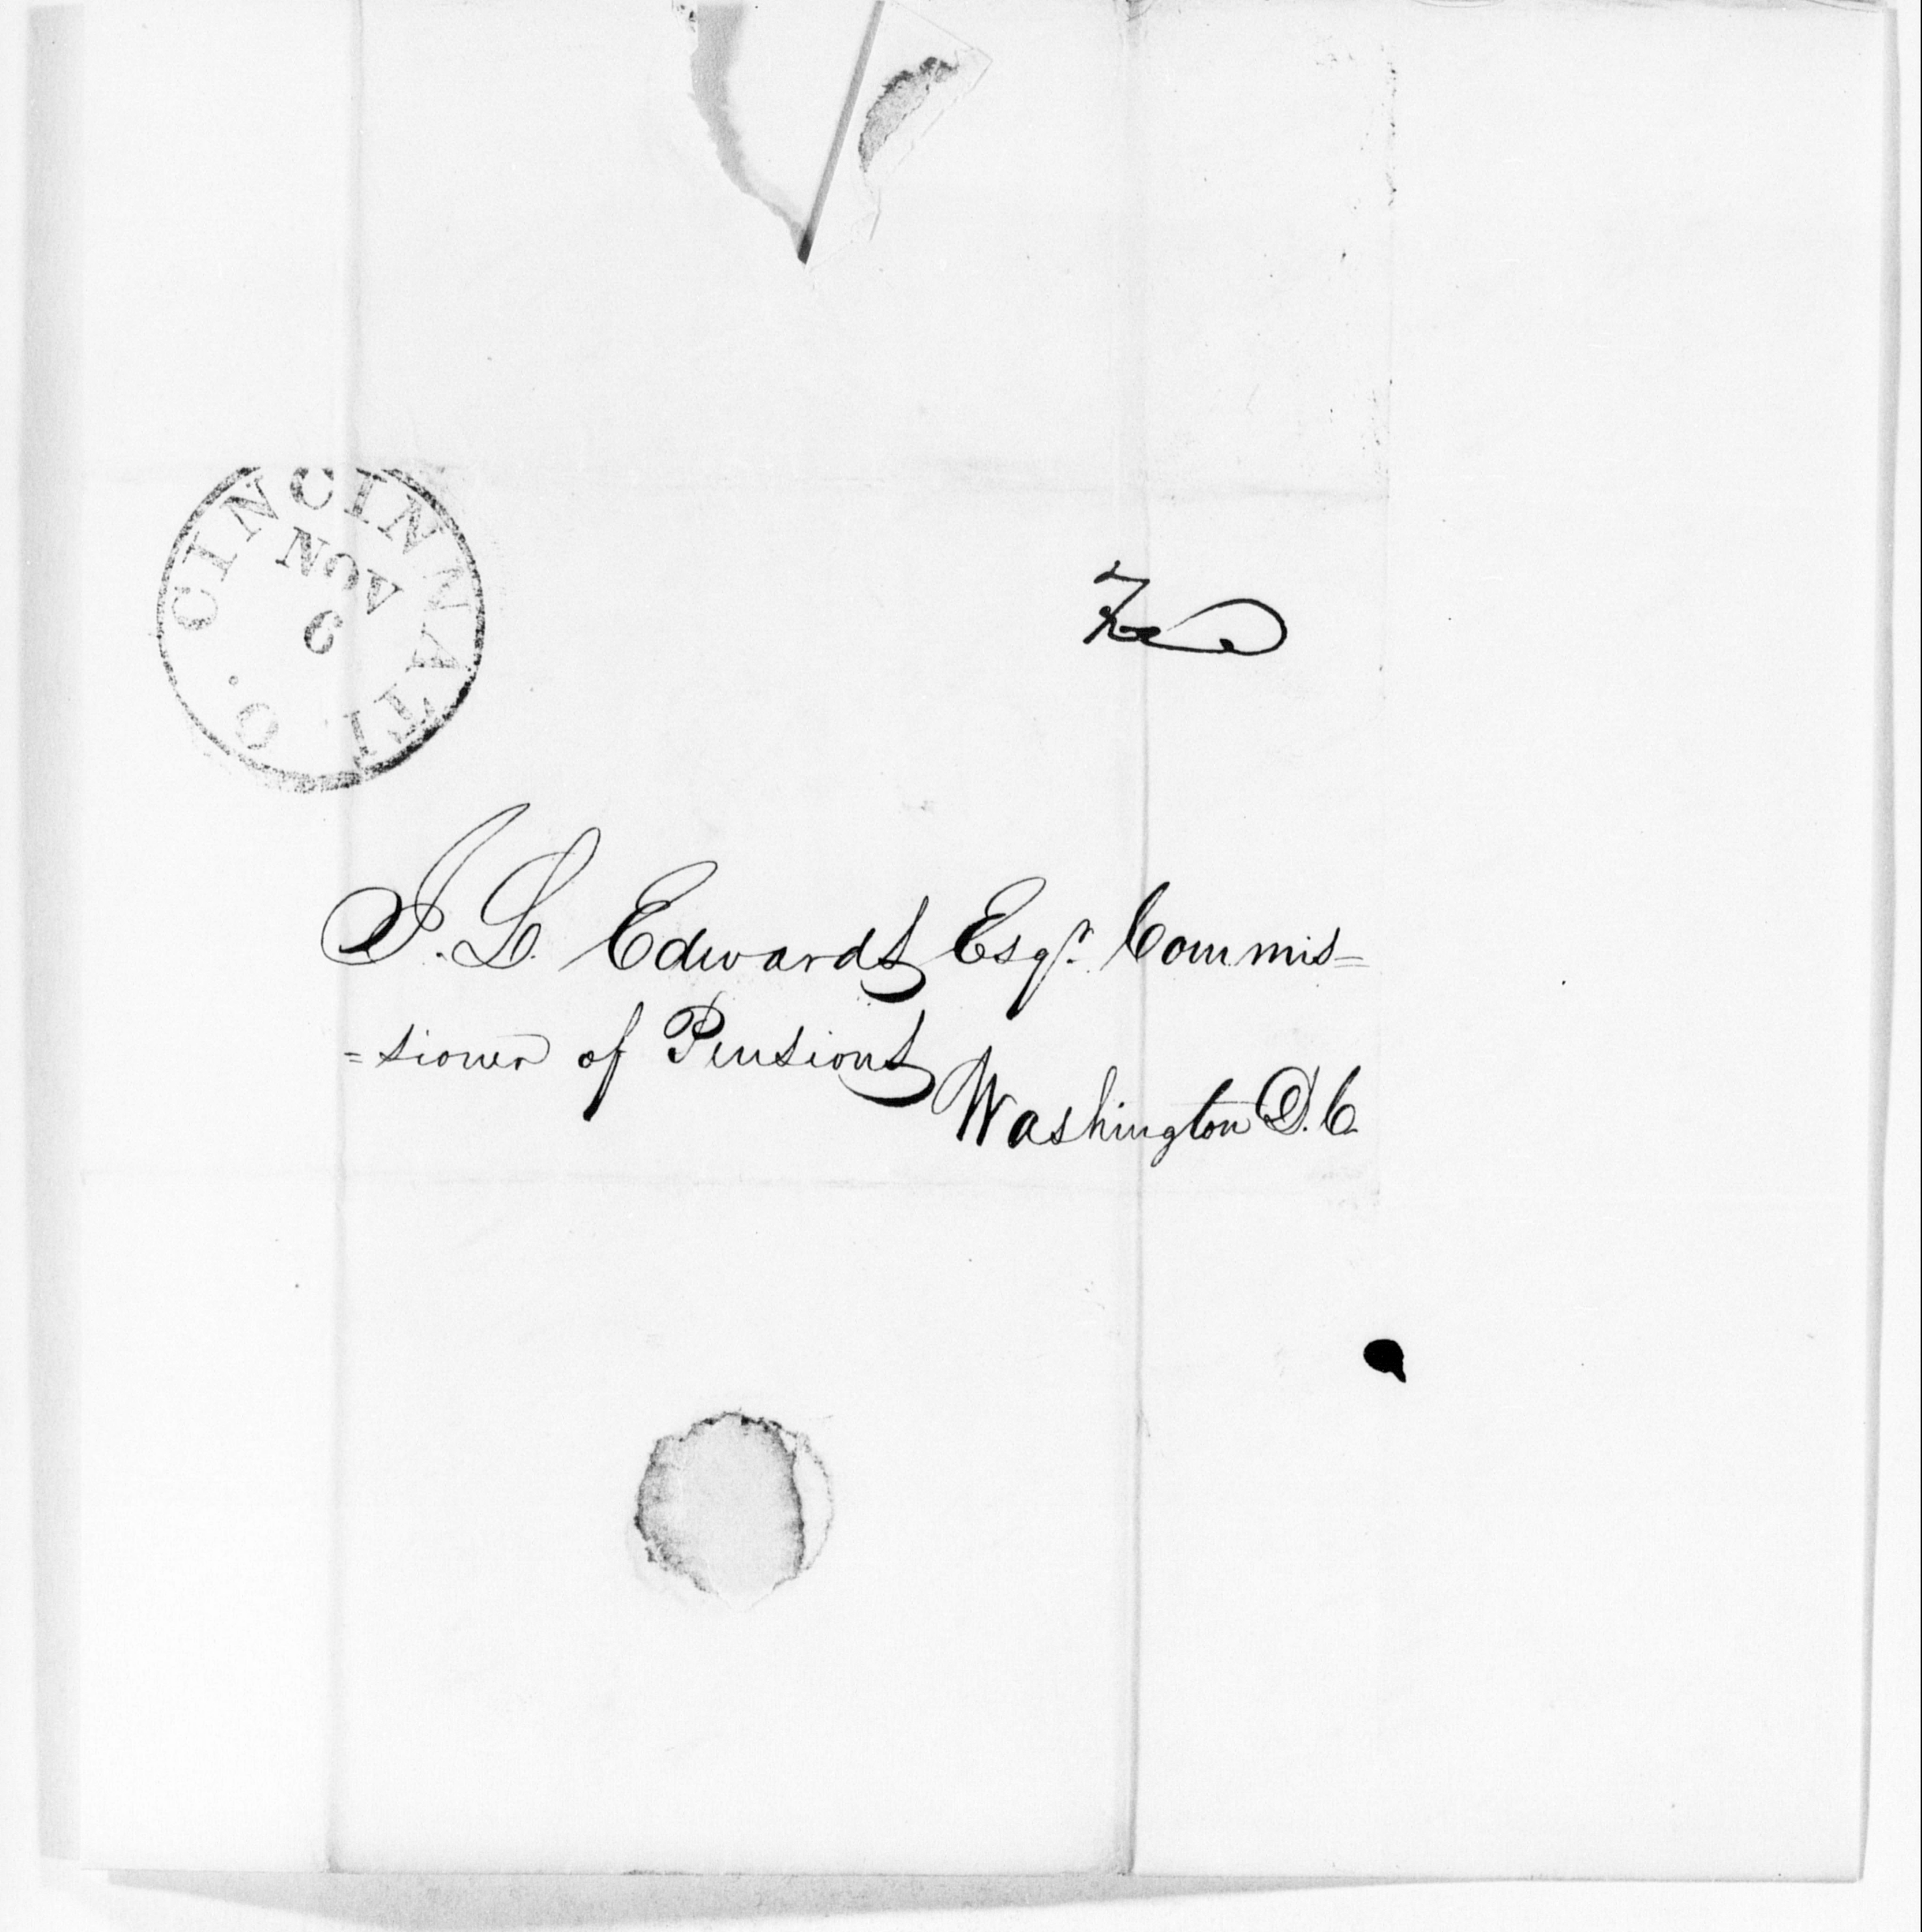J. L. Edwards Esqr. Commissioner
of Pensions
Washington D. C.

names: J L Edwards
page: 44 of 78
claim: widow's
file: W. 4117, Nathaniel Bradley, Conn.